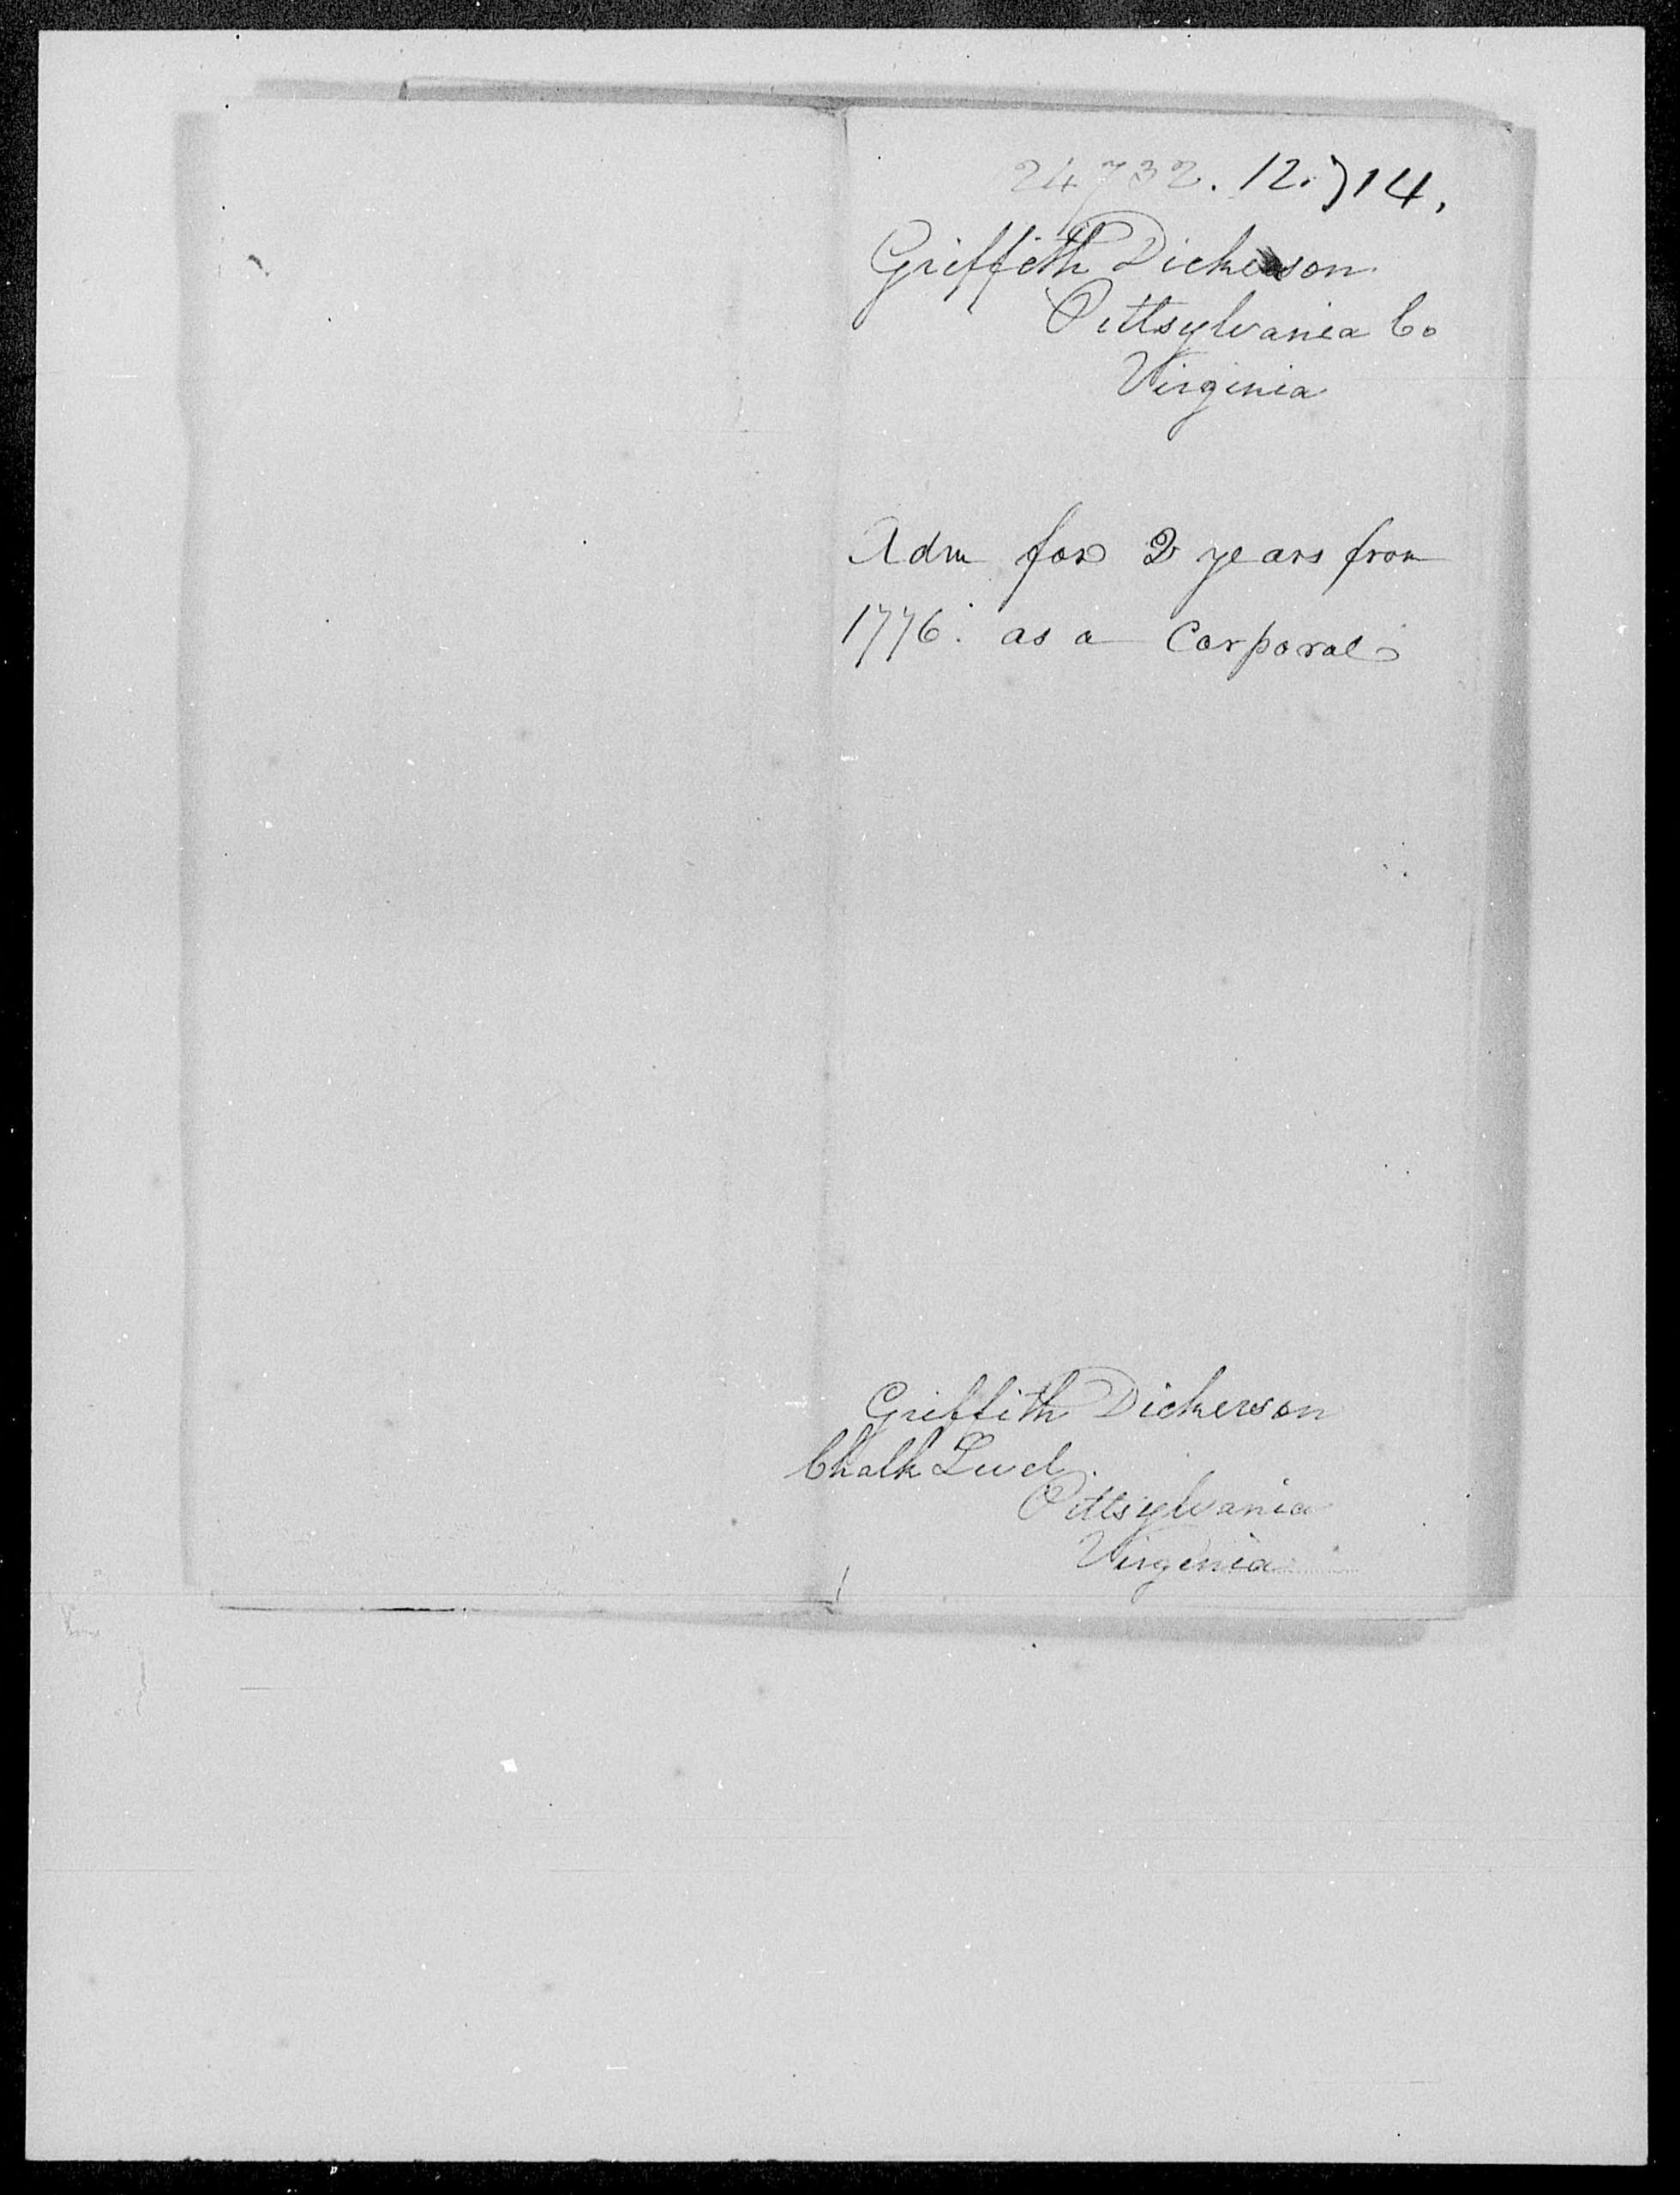24732.12.14,
Griffith Dickerson
Pittsylvania Co. Virginia
Adm for 2 years from 1776 as a corporal
Griffith Dickerson
Chalk Level
Pittsylvania Virginia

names: Griffith Dickerson, Chalk Level, Griffith Dickeson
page: 7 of 26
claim: survivor's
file: S. 20896, Griffeth Dickenson, Ga. Va.